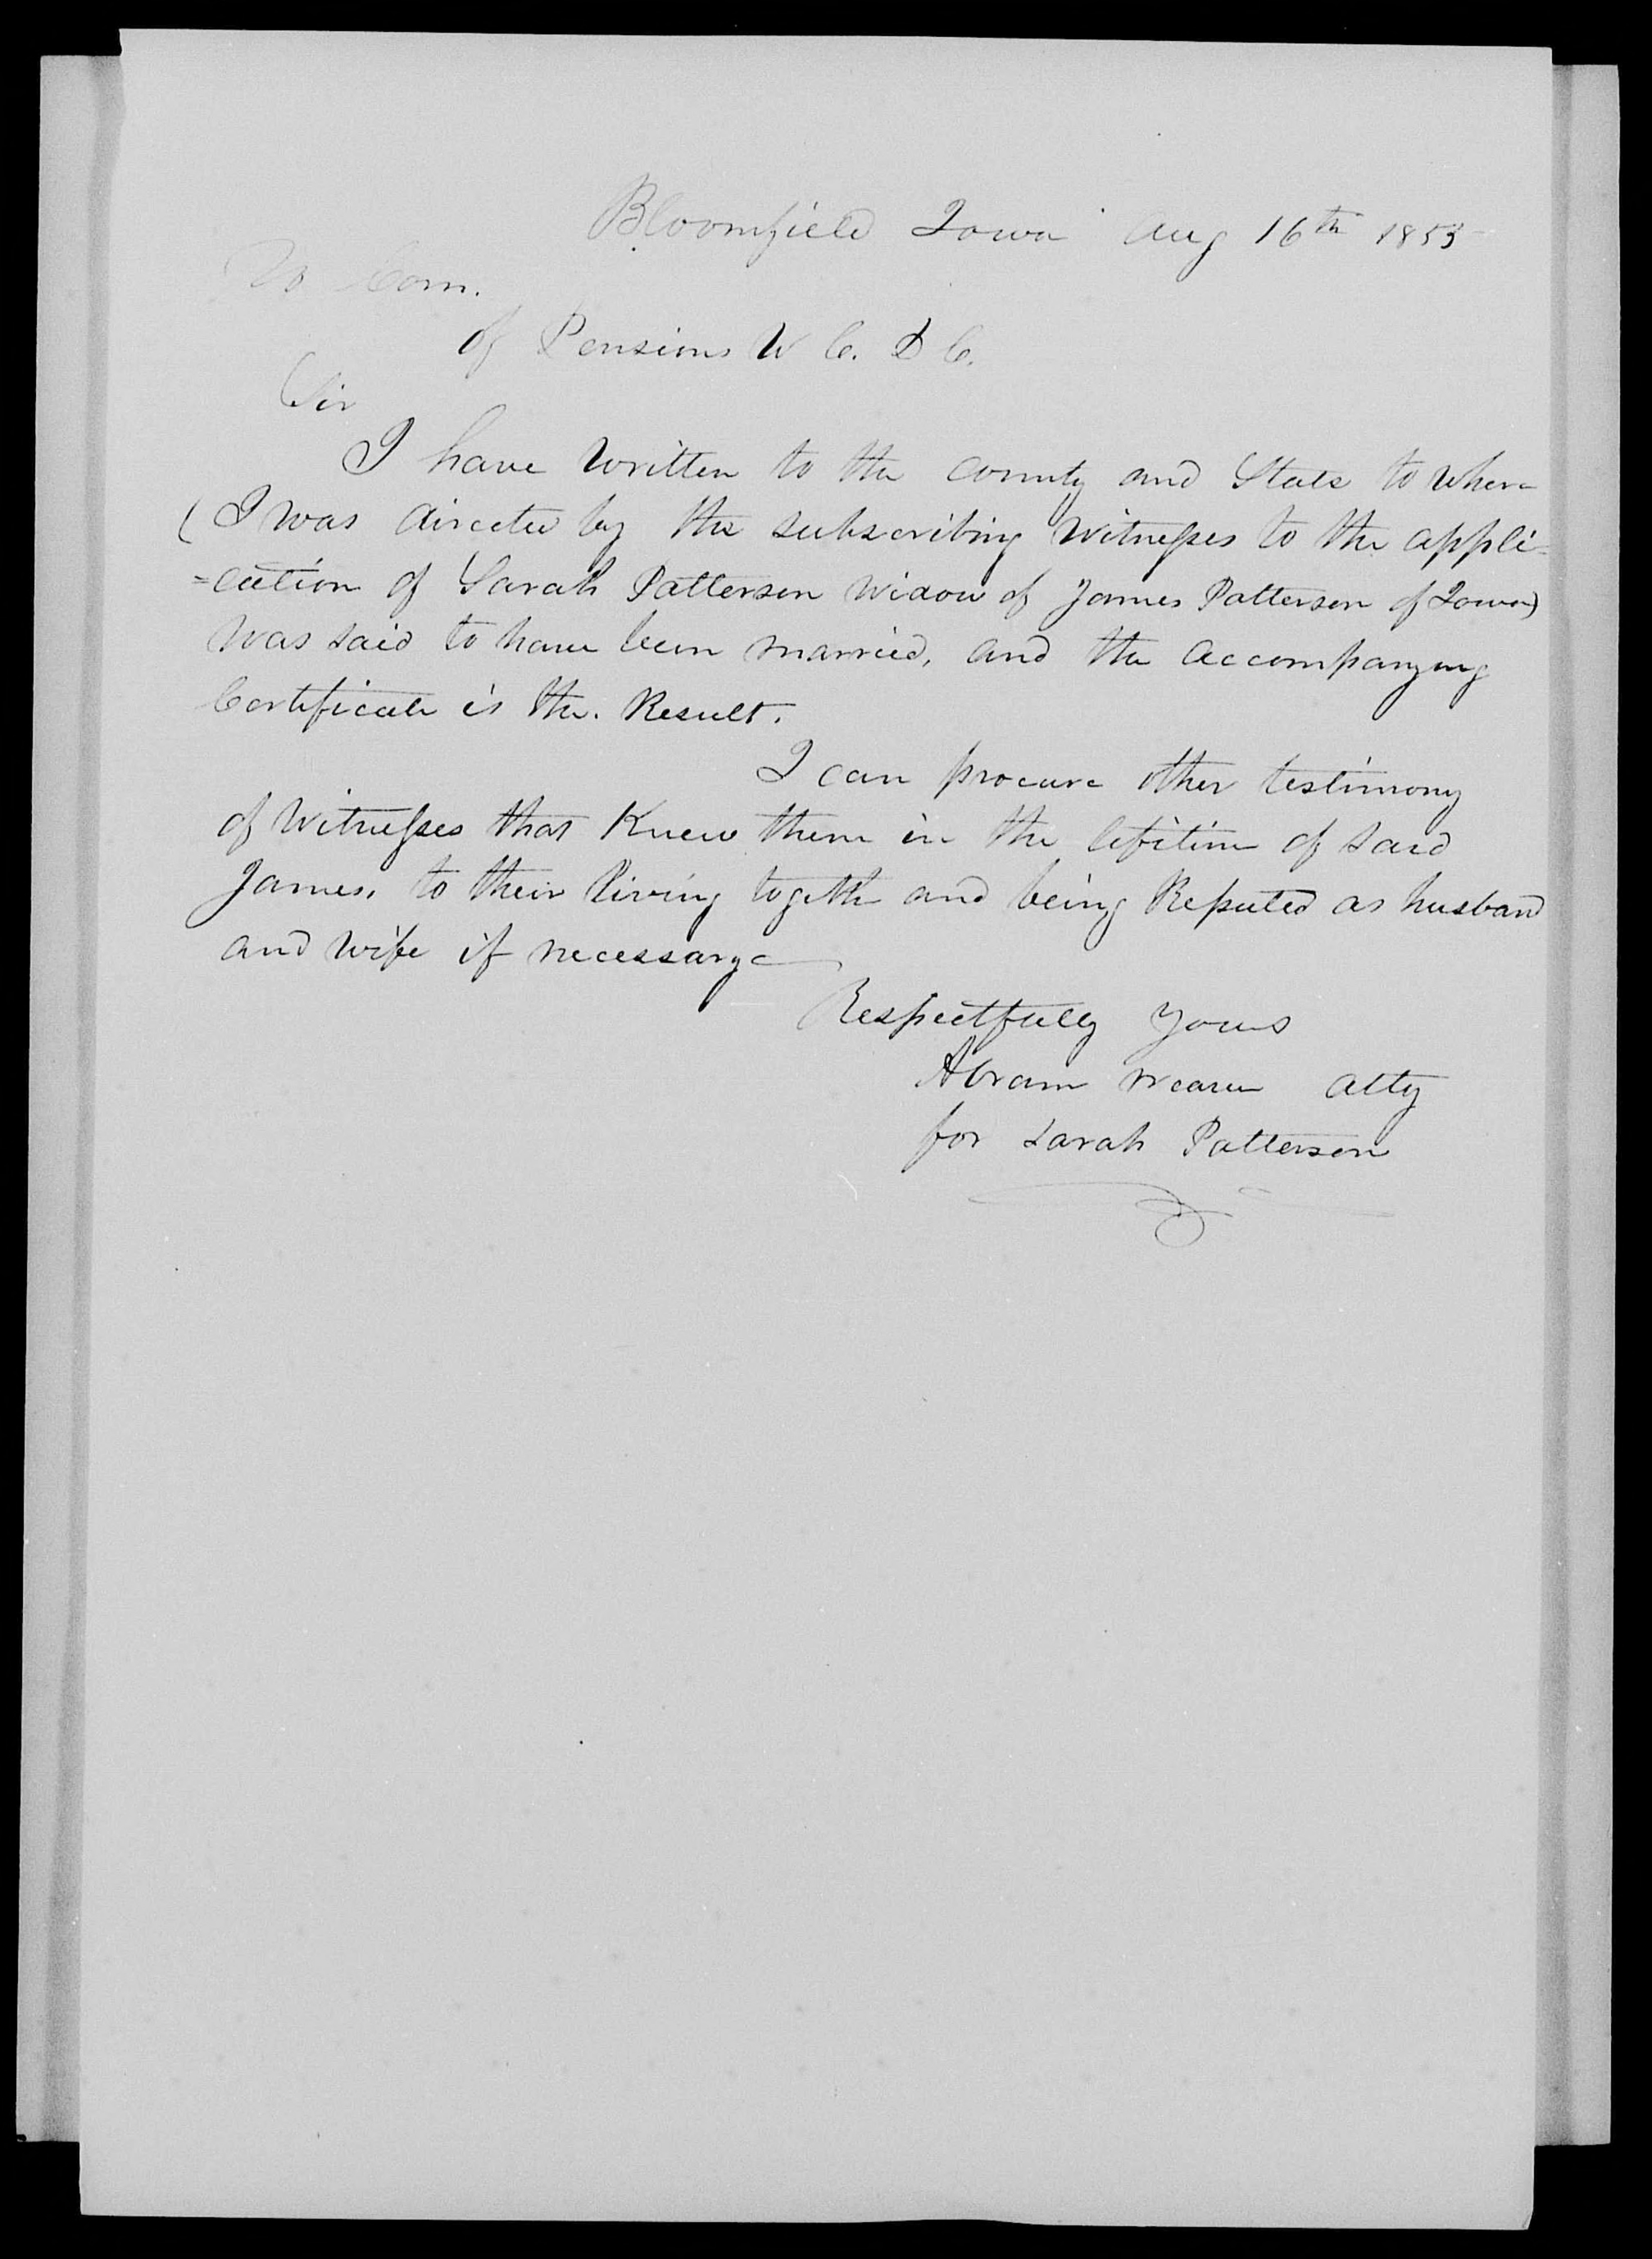Bloomfield Iowa Aug 16th 1853
To Com 
of Pensions W C. D C.
Sir
I have written to the County and State to where (I was directed by the subscribing witnesses to the application of Sarah Patterson Widow of James Patterson of Iowa) was said to have been married, and the accompany Certificate is the result.
I can procure other testimony of Witnesses that knew them in the lifetime of said James, to their living together and being Reputed as husband and wife if necessary 
Respectfully Yours 
Abram Weaver Atty 
for Sarah Patterson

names: James Patterson; Sarah Patterson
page: 34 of 69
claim: widow's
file: W. 10861, for James Patterson, North Carolina